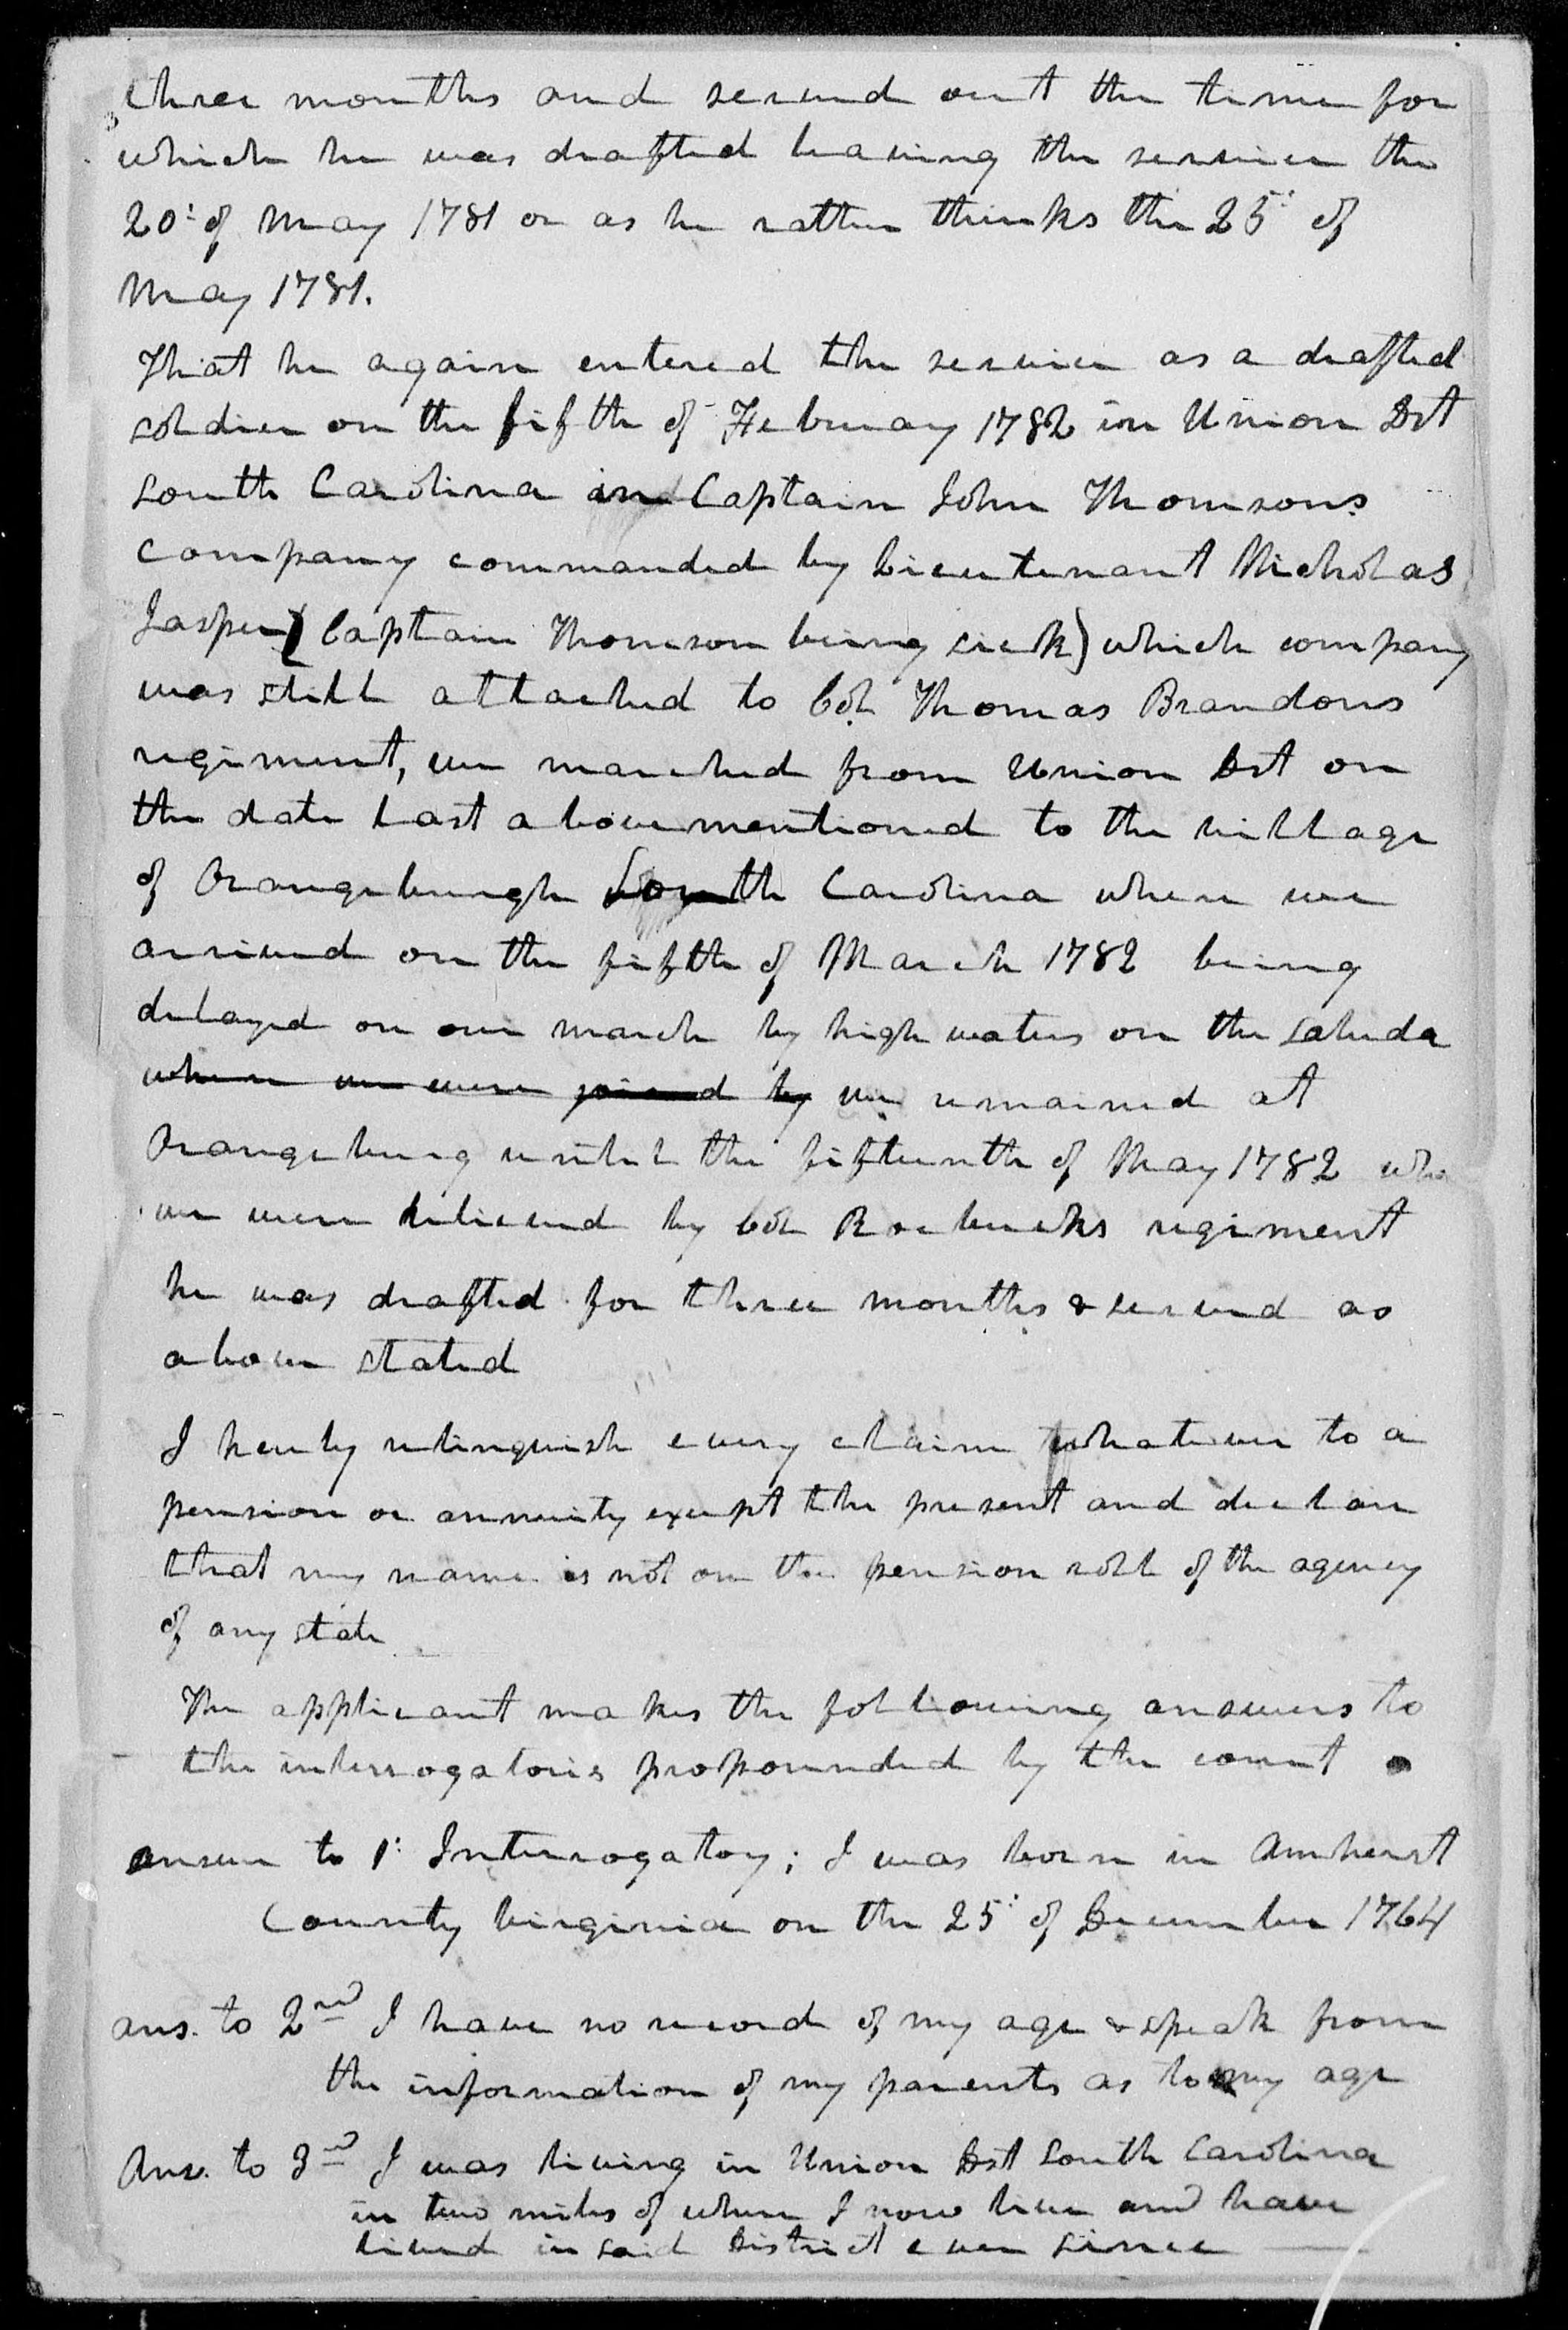three months and served out the time for which he was drafted leaving the service the 20 of May 1781 or as he rather thinks the 25 of May 1781.
That he again entered the service as a drafted soldier on the fifth of February 1782 in Union Dist South Carolina and Captain John Thomsons company commanded by Lieutenant Nicholas Jasper (Captain Thomson being sick) which company was still attached to Col Thomas Brandons regiment, we marched from Union but on the date last above mentioned to the village of Orangeburgh South Carolina where we arrived on the fifth of March 1782 being delayed on our march by high waters on the Saluda when we were joined by [preceding words beginning with "when" are lined through] we remained at Orangeburg until the fifteenth of May 1782 when we were delivered by Col Roebucks regiment he was drafted for three months & served as above stated
I hereby relinquish every claim whatever to a pension or annuity except the present and declare that my name is not on the pension roll of the agency of any state
The applicant makes the following answers to
the interrogatories propounded by the court
answer to 1: Interrogatory; I was born in Amherst County Virginia on the 25 of December 1764
Ans to 2nd  I have no record of my age & speak from the information of my parents as to my age
Ans to 3rd I was living in Union Dst South Carolina in two miles of where I now live and have lived in said District ever since --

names: Thomson, Nicholas Jasper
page: 4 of 18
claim: survivor's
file: S. 21,236, Davis Goudelock, S.C.